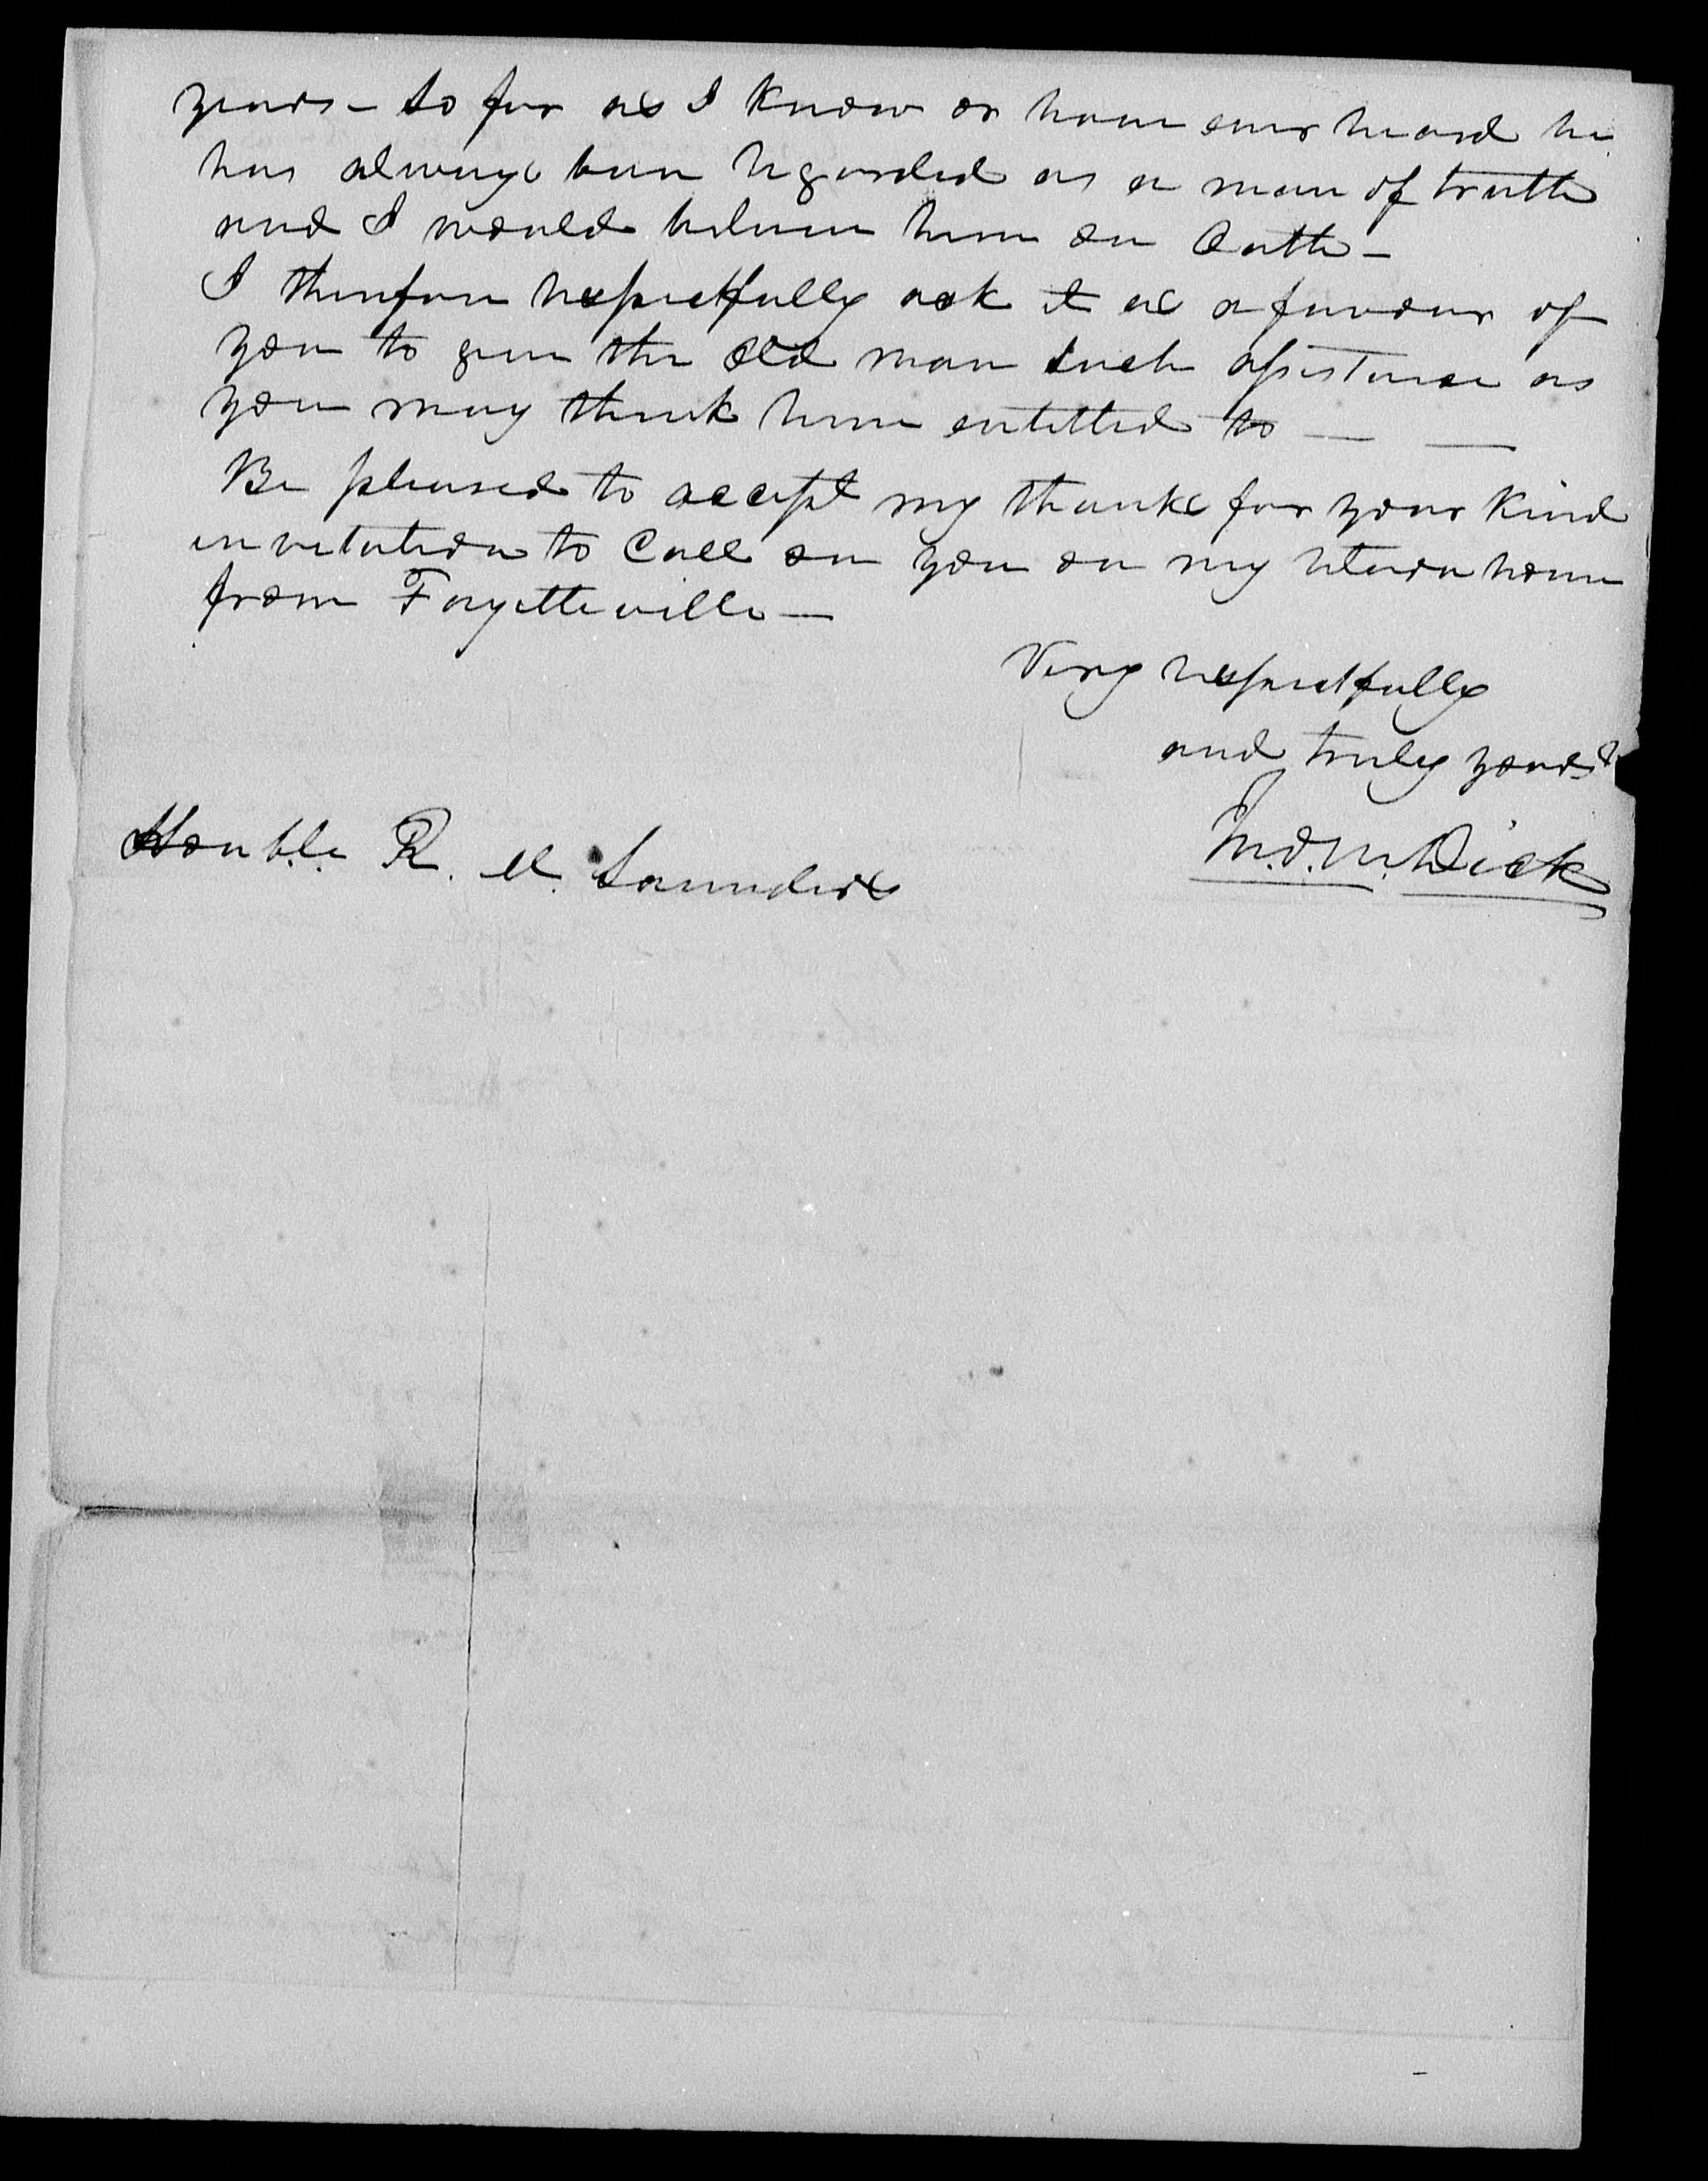[Continuation of letter]

years - So far as I Know or have ever heard he has always been regarded as a man of truth and I would believe him on Oath - 

I therefore respectfully ask it as a favour of You to give the Old man Such assistance as you may think him entitled to __  __

Be pleased to accept my thanks for your Kind invitation to Call on you on my return home from Fayetteville __

Very respectfully 
and truly yours [possibly "&" but there is a torn paper edge. Then, the following name is underlined:] Jno. M. Dick

Honble. [Honorable} R. [? possibly U. or V. or M.] Saunders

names: Jno M Dick, R M Saunders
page: 32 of 145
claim: survivor's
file: S. 8265, William Cumming, N.C.